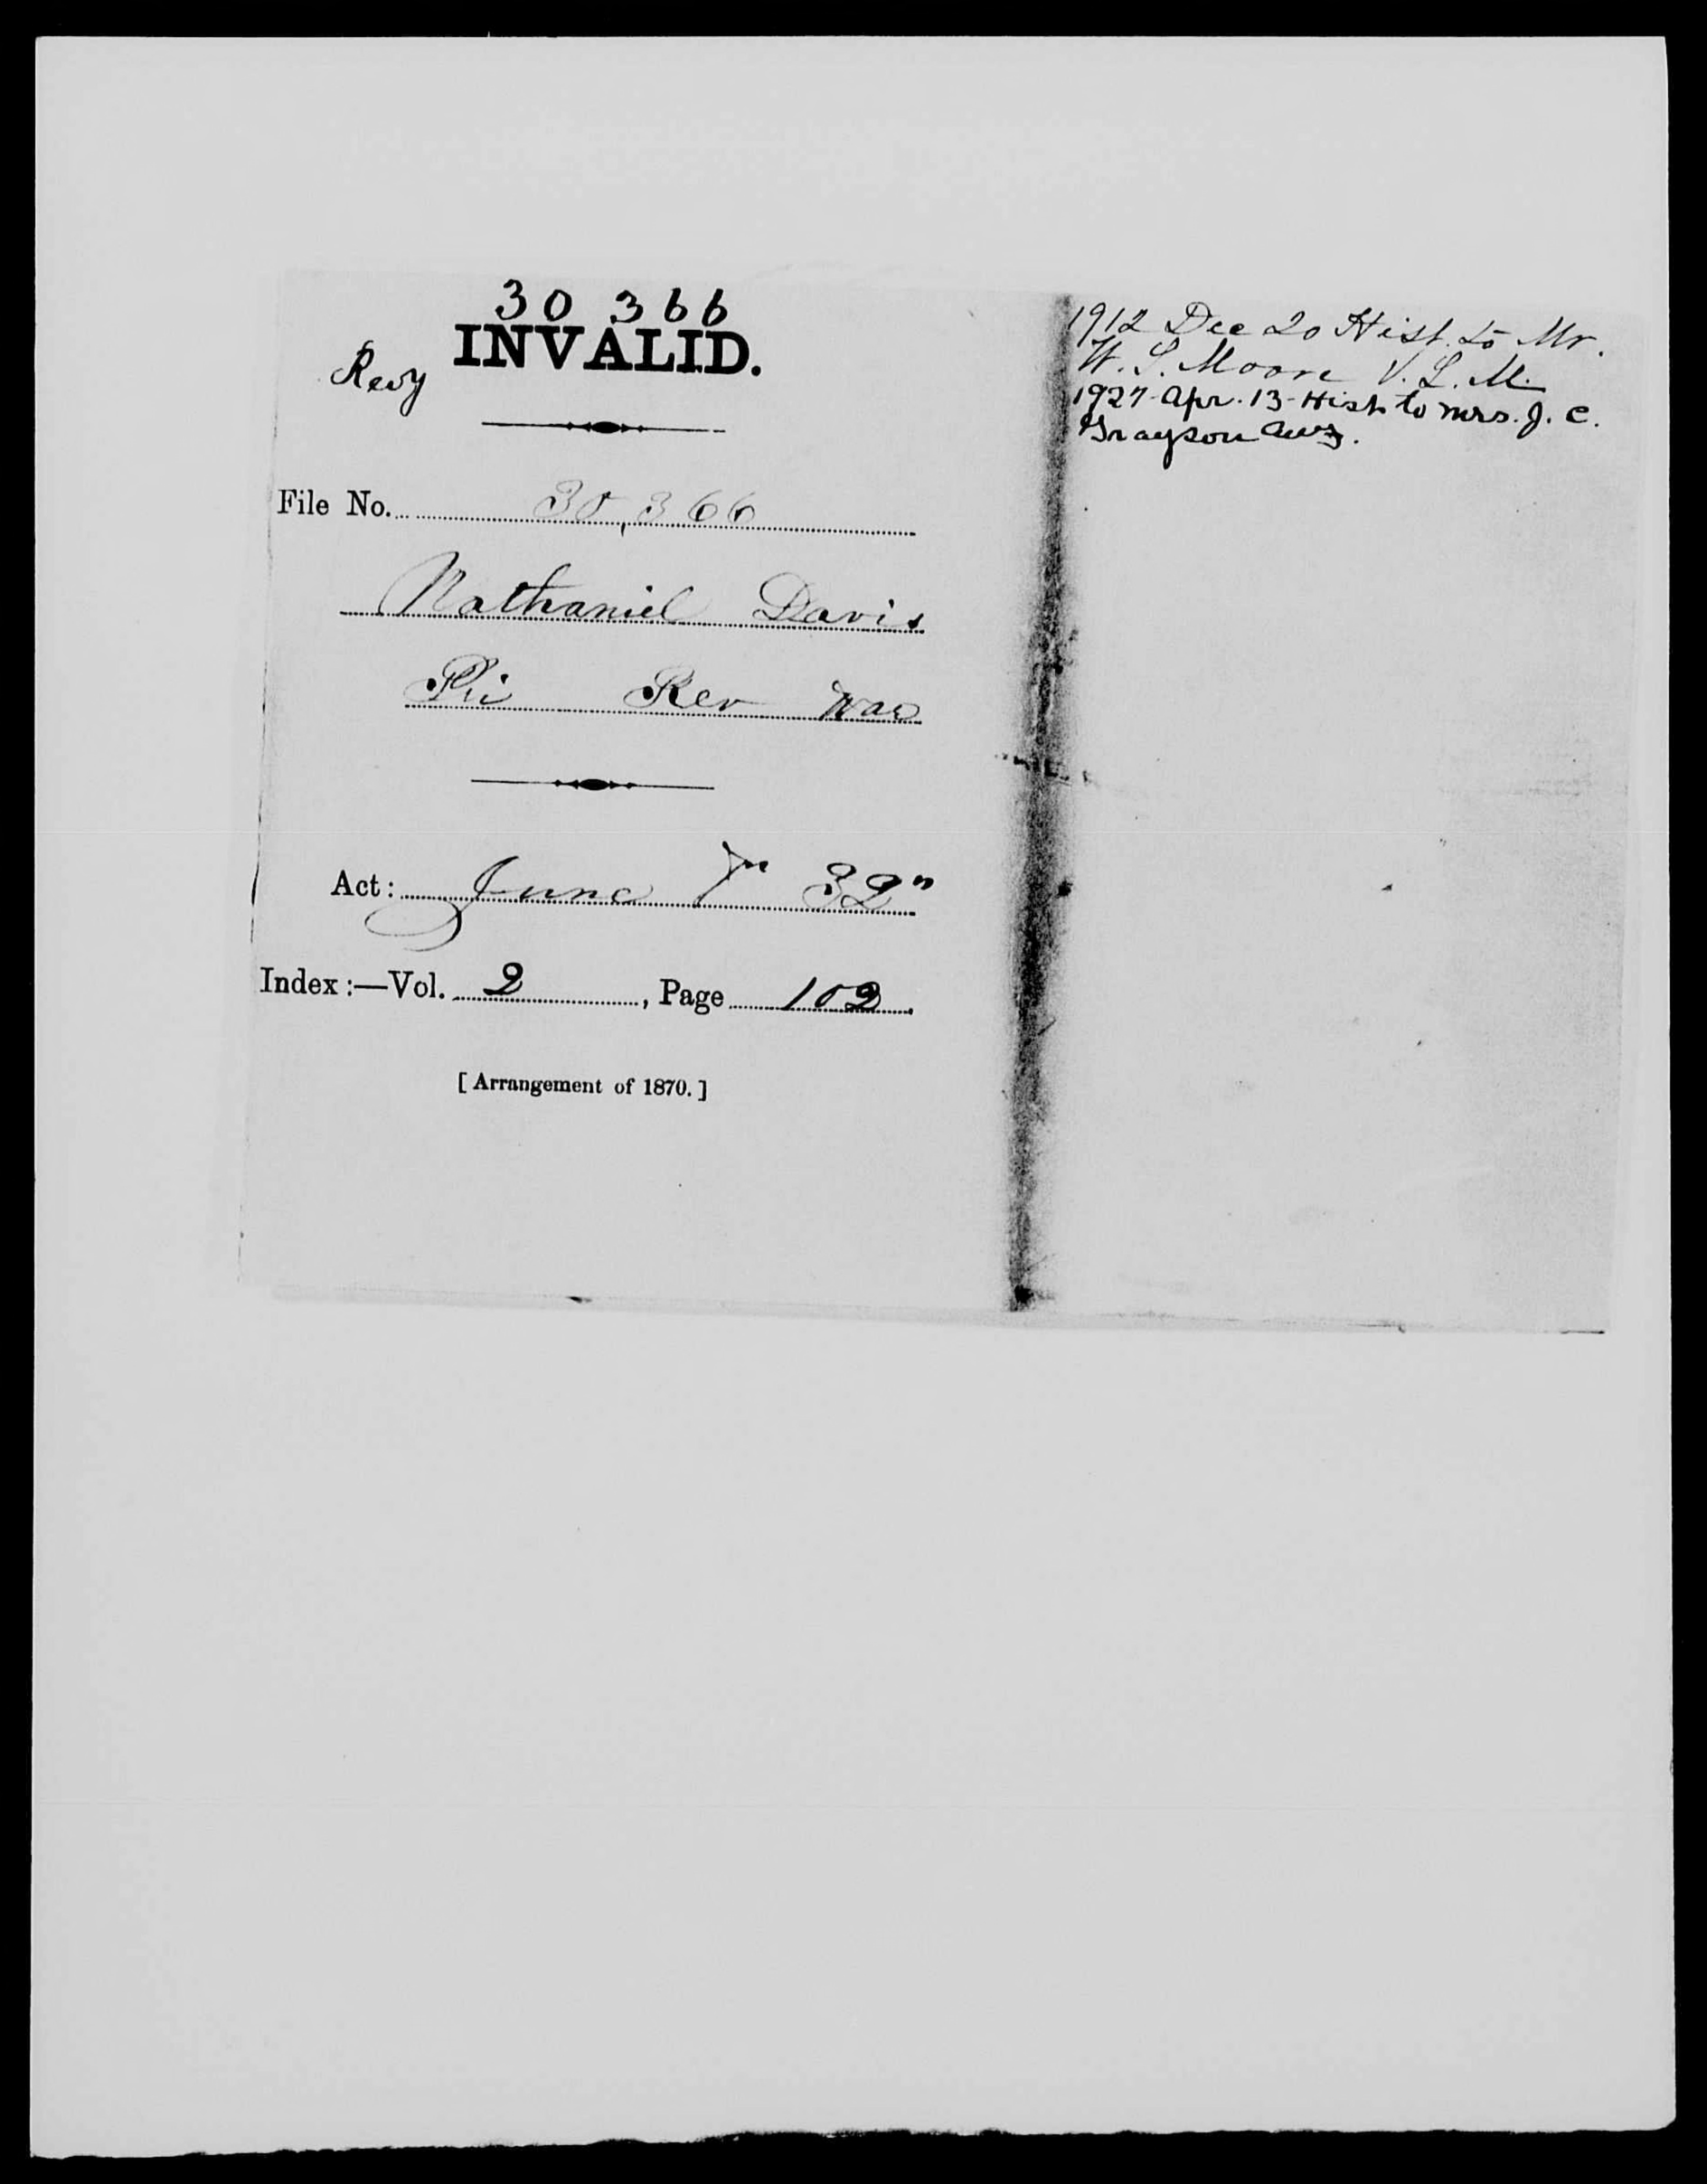30 366
Revy INVALID.

File No. 30,366
Nathaniel Davis
Priv Rev War

Act: June 7" 32"
Index:-Vol. 2, Page 102
[Arrangement of 1870.]

1912 Dec 20 Hist. to Mr.
W. S. Moore V.L.M.
1927 - Apr. 13 - Hist to Mrs. J. C.
Grayson AWF.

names: J C Grayson, W S Moore, Nathaniel Davis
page: 13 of 18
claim: survivor's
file: S. 30,366, Nathaniel Davis, N.C. Va.